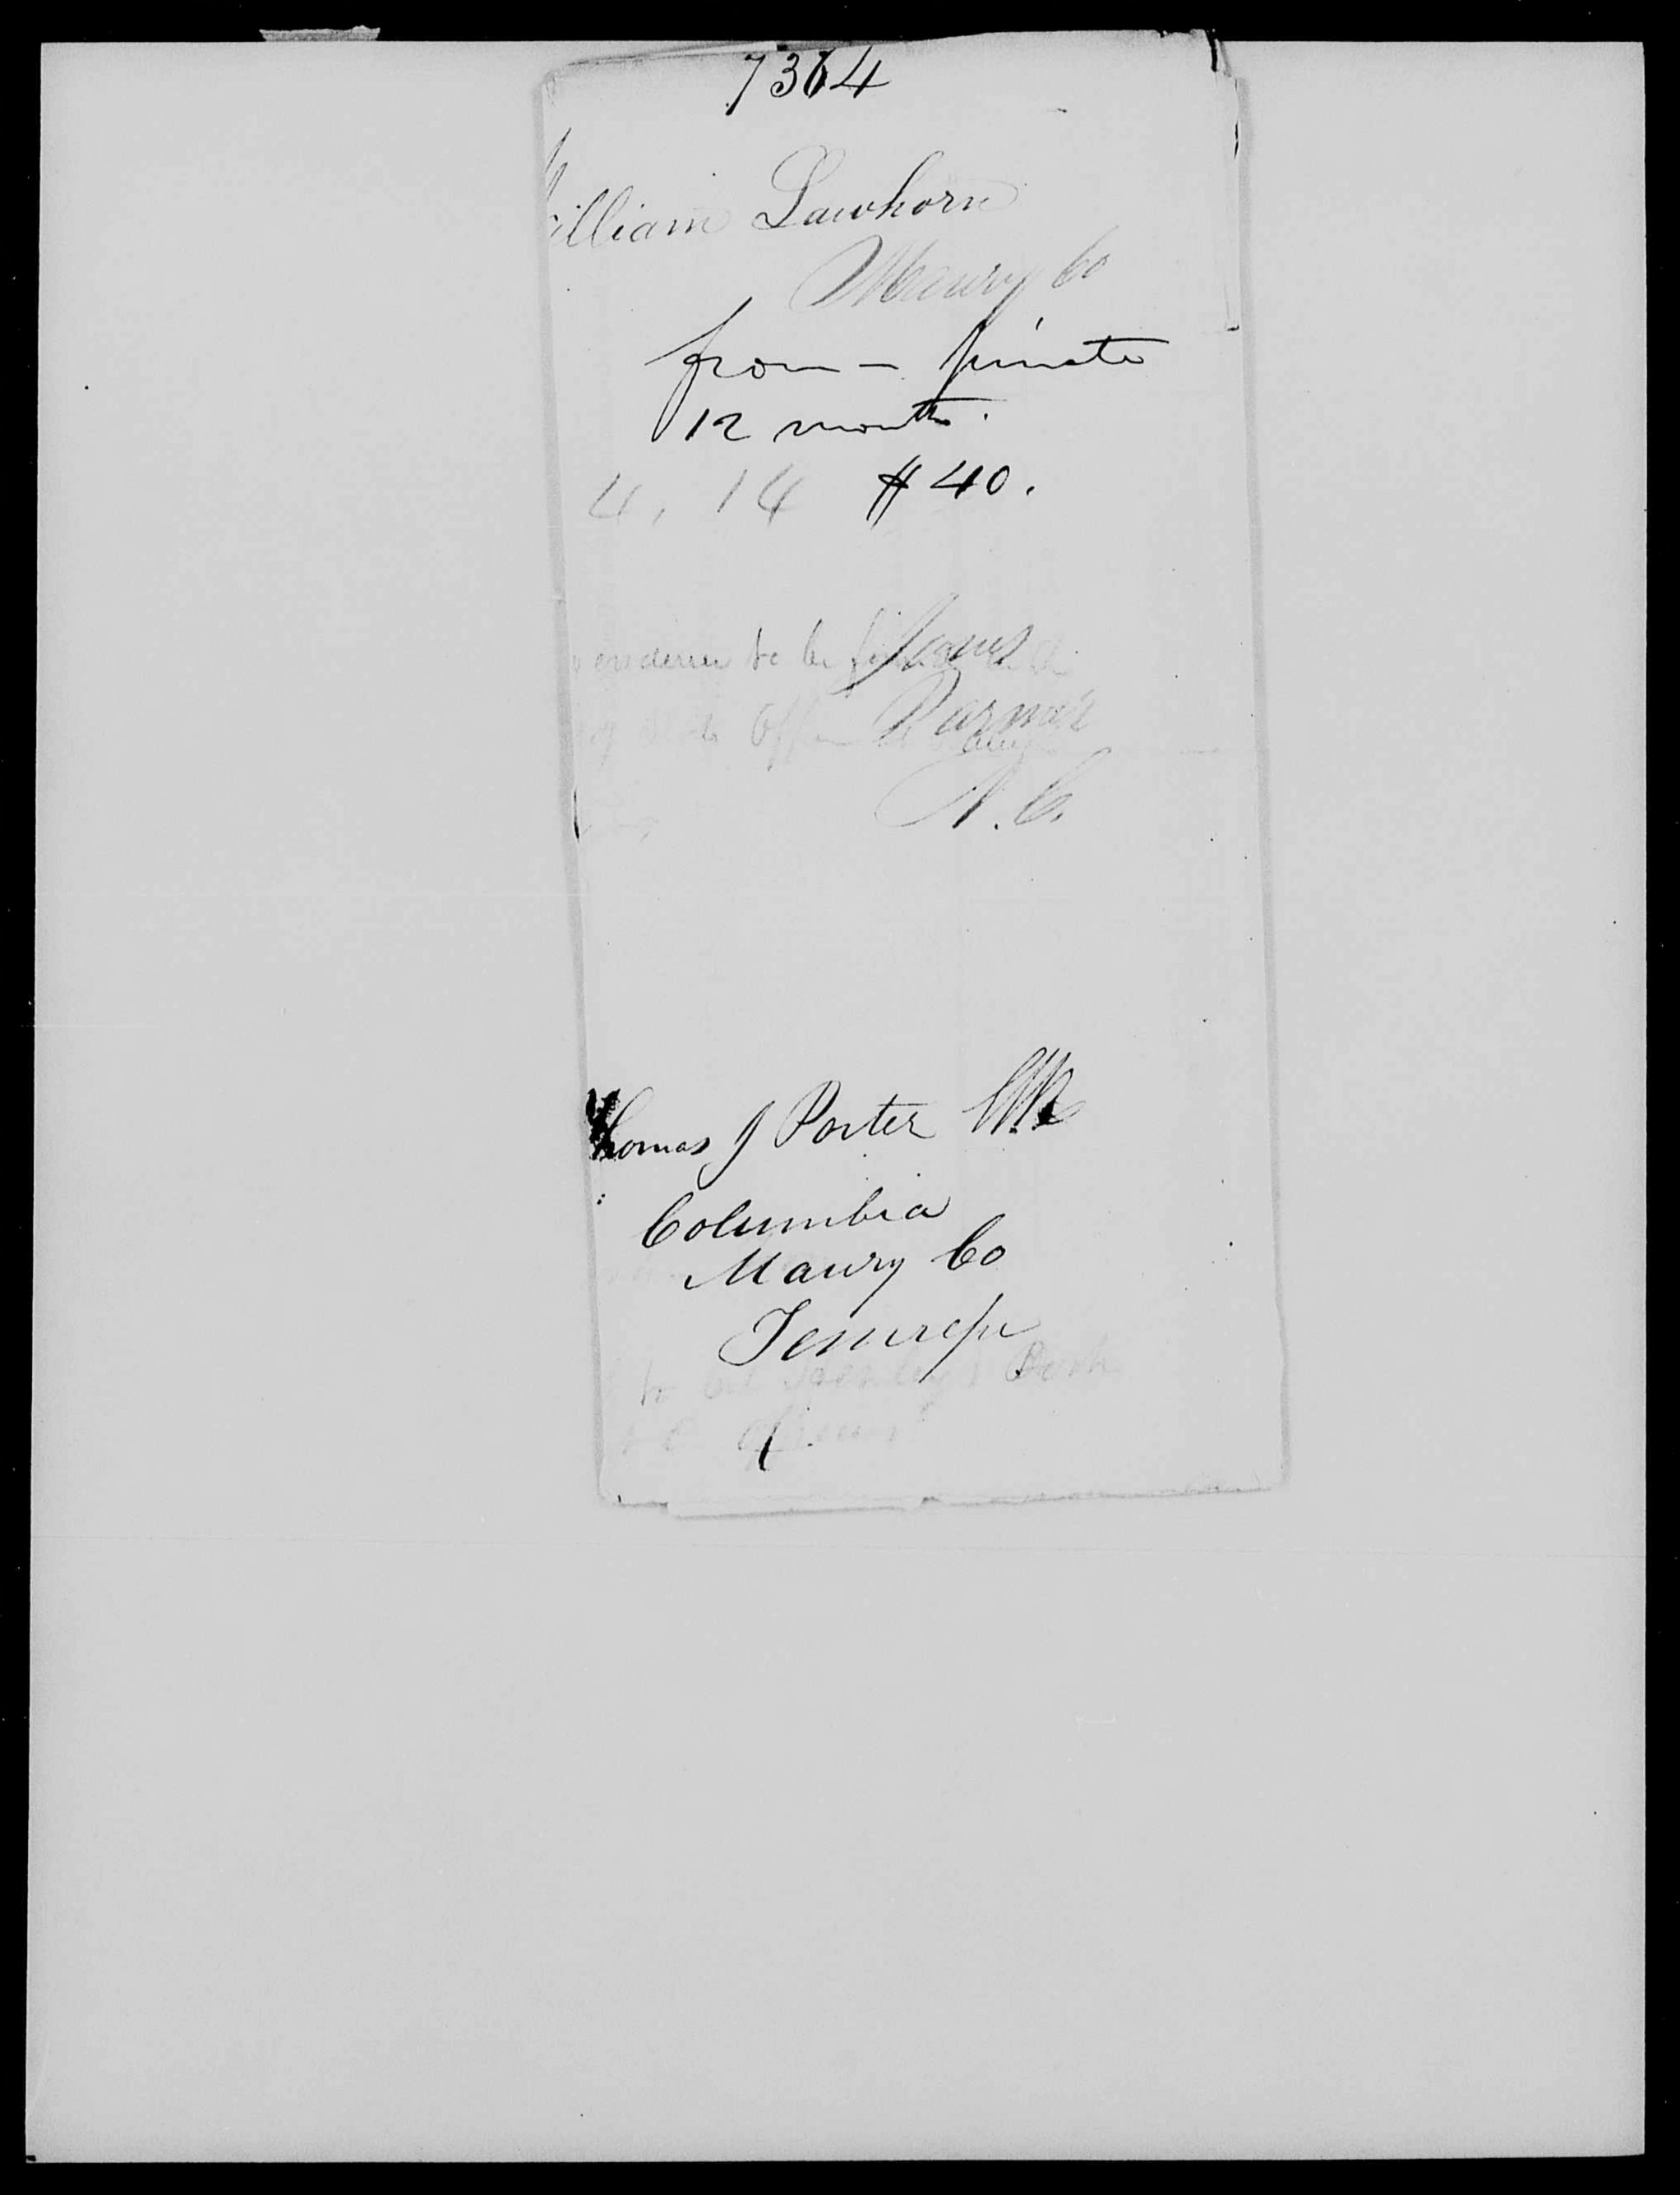7364
William Lawhorn
Maury Co
from - private
12 months
4.14  $40.

Evidence to be found  (faded) of the Office at (overwritten)
Jones
Parmer

N.C.

Thomas J Porter
Columbia
Maury Co
Tennessee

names: [BLANK] Jones; William Lawhorn; Thomas J Porter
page: 3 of 16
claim: survivor's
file: S 4506, for William Lawhorn, North Carolina